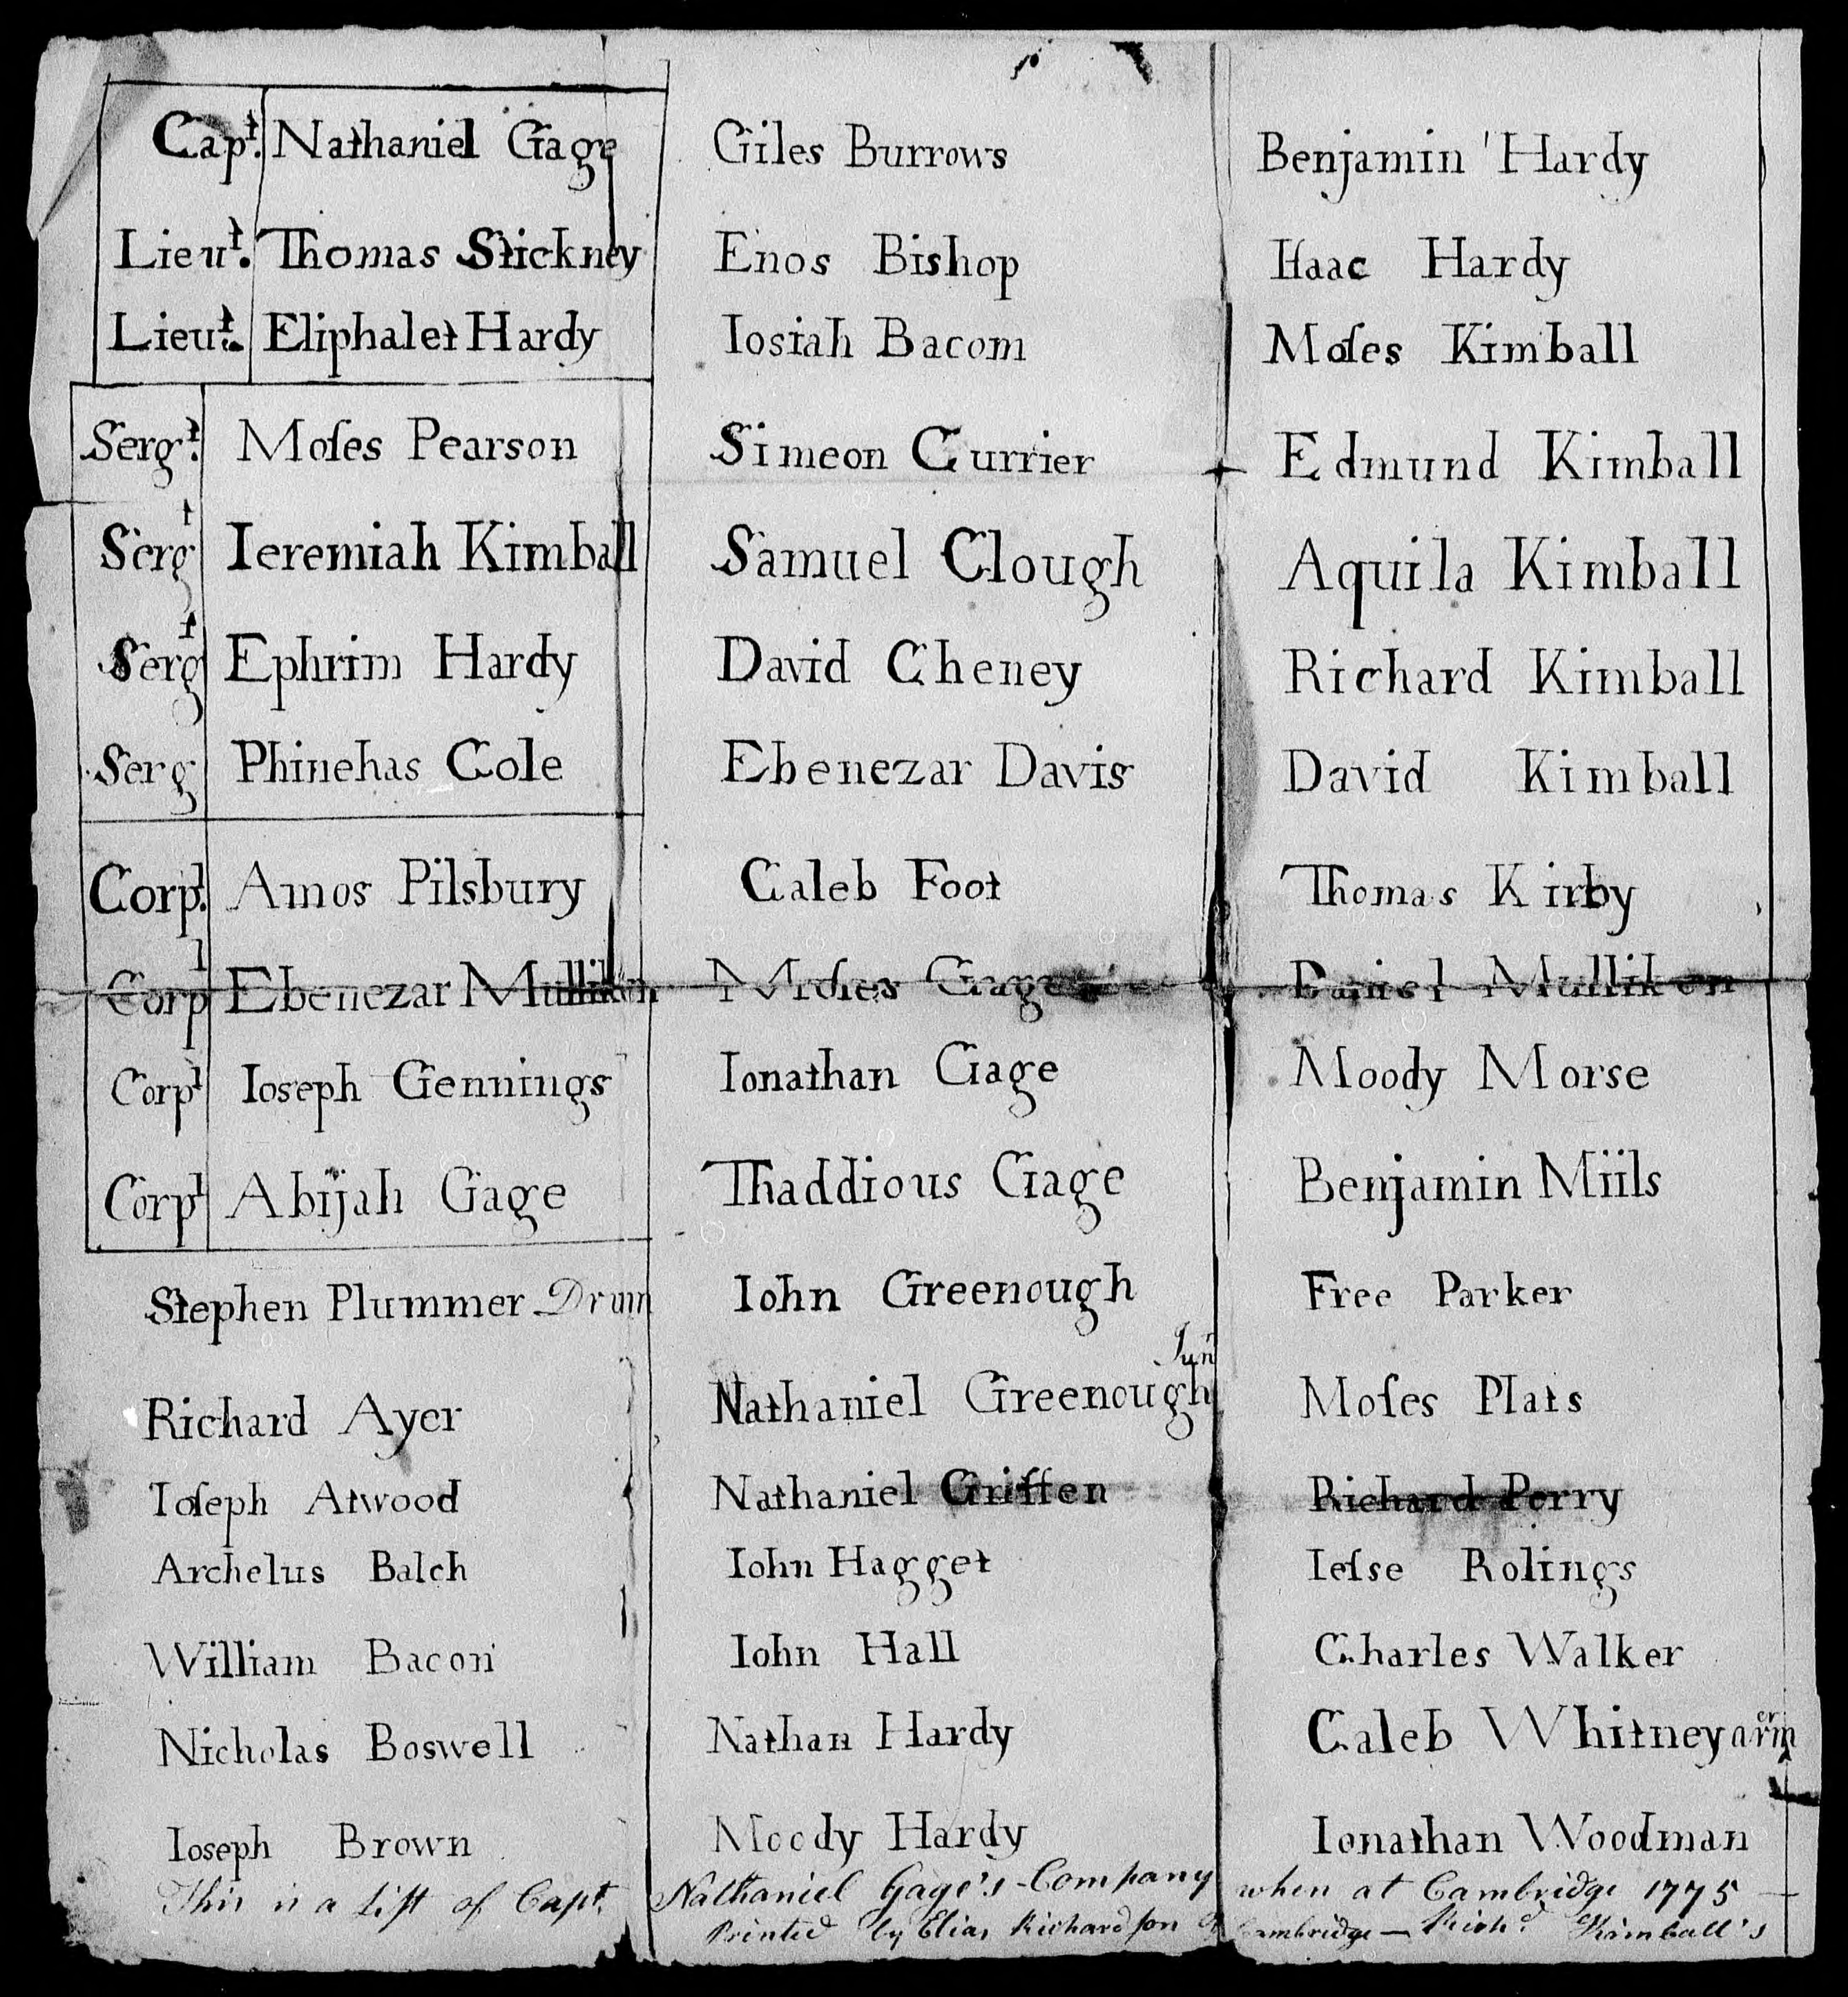[page split into 3 columns]
[column 1]
Cap. Nathaniel Gage
Lieu. Thomas Stickney
Lieu. Eliphalet Hardy
---
Serg. Moses Pearson
Serg Ieremiah Kimball
Serg Ephrim Hardy
Serg Phinehas Cole
---
Corp. Amos Pilsbury
Corp Ebenezar Mulliken
Corp Ioseph Gennings
Corp Abijah Gage
---
Stephen Plummer Drunn

Richard Ayer
Ioseph Atwood
Archelus Balch
William Bacon
Nicholas Boswell
Ioseph Brown

[column 2]
Giles Burrows
Enos Bisho
Iosiah Bacom
Simeon Currier
Samuel Clough
David Cheney
Ebenezar Davis
Caleb Foot
[illegible] Gage
Ionathan Gage
Thaddious Gage
Iohn Greenough
Nathaniel Greenough
Nathaniel Griffen
Iohn Hagget
Iohn Hall
Nathan Hardy
Moody Hardy

[column 3]
Benjamin Hardy
Isaac Hardy
Moles Kimball
Edmund Kimball
Aquila Kimball
Richard Kimball
David Kimball
Thomas Kirby
Daniel Mulliken
Moody Morse
Benjamin Miils
Free Parker
Moses Plats
Richard Perry
Iesse Rolings
Charles Walker
Caleb Whitney
Ionathan Woodman

[written across bottom of all 3 columns]
This is a list of Capt Nathaniel Gage's Company when at Cambridge 1775 - printed by Elias Richardson [illegible] Cambridge - Rich Kimball's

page: 7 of 29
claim: widow's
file: W. 1779, for Richard Kimball, Massachusetts